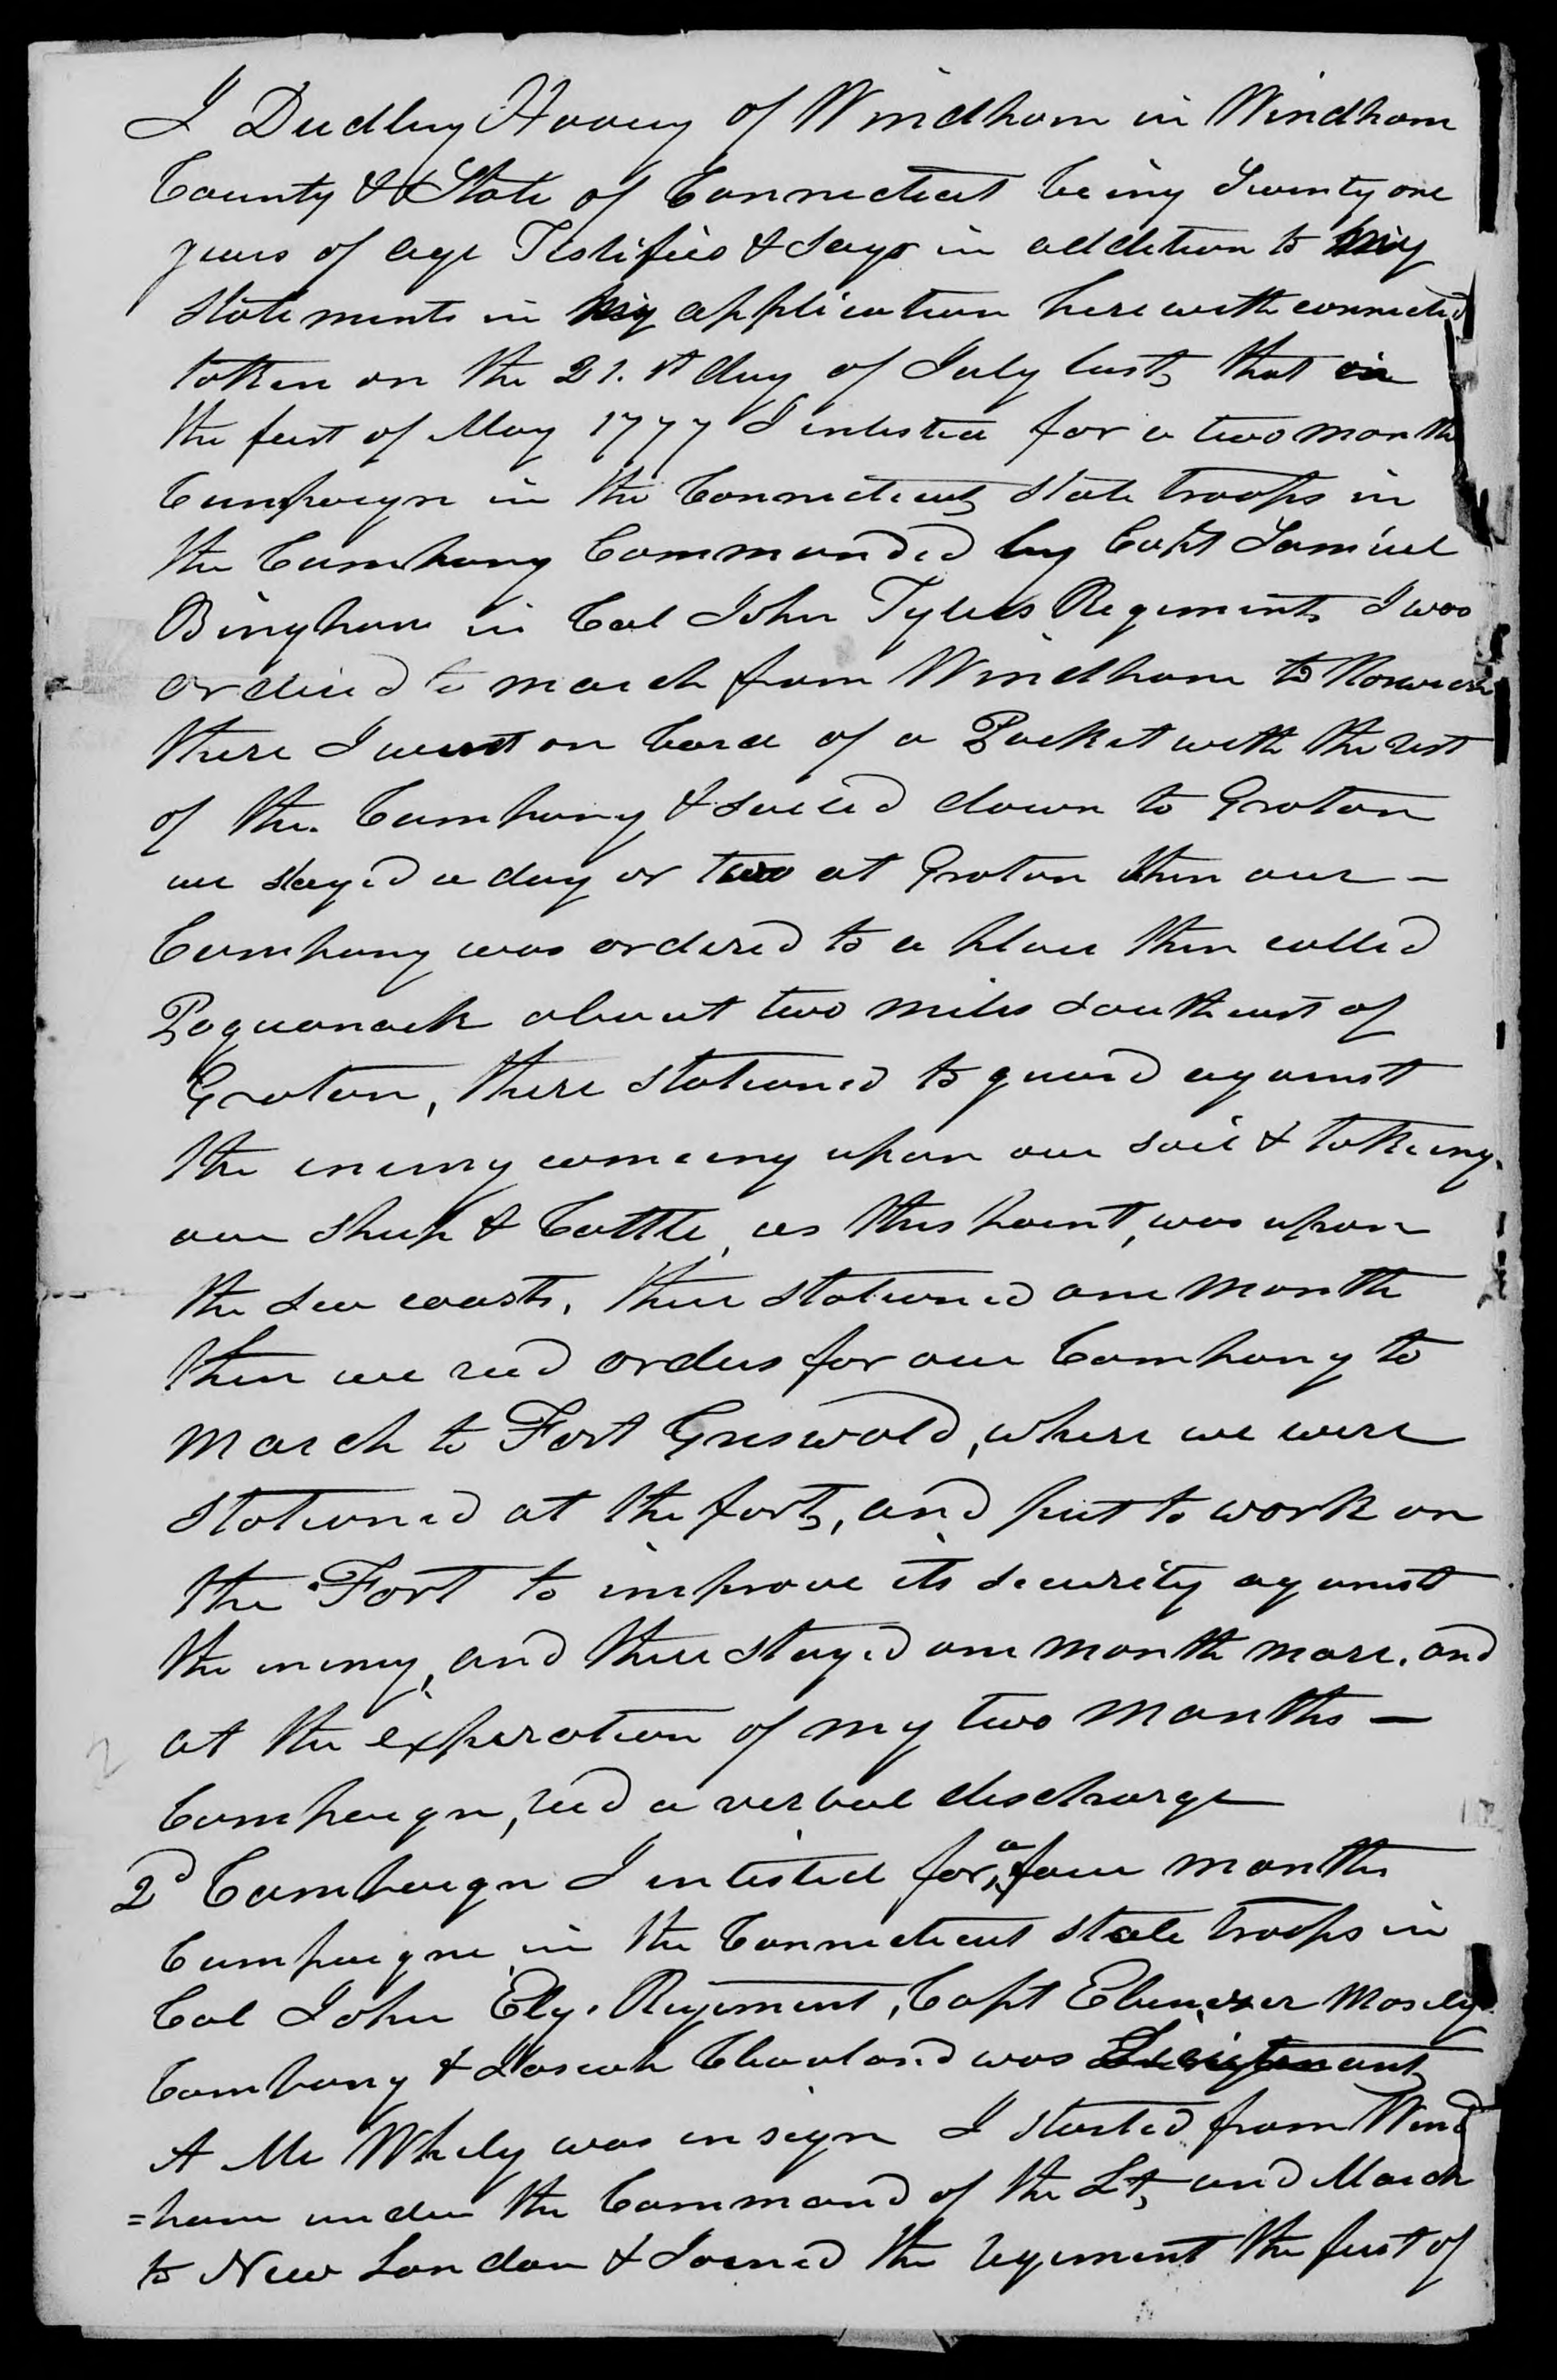I Dudley Hovey of Windham in Windham
County & State of Connecticut being Seventy one
years of age Testifies & Says in addition to my
statements in my application here with connected
letter on the 21st day of July last, that in 
the first of May 1777 I enlisted for a two month
campaign in the Connecticut State troops in
the Company Commanded by Capt Samuel
Bingham in Col John Tyler's Regiment. I was
ordered to march from Windham to Norwich
there I went on board of a packet with the rest
of the Company & sailed down to Groton
we stayed a day or two at Groton then our
Company was ordered to a place then called
Poquanack about two miles southwest of 
Groton, there stationed to guard against
the enemy coming upon our sail & taking
our sheep & cattle, as this point was upon
the sea coasts.  There stationed one month
then we recd orders for our Company to
March to Fort Griswold, where we were 
stationed at the fort, and put to work on
the fort to improve its security against
the enemy and there stayed one month more, and
at the expiration of my two months
campaign, recd a verbal discharge
2d Campaign I enlisted for four months
campaign in the Connecticut State troops in
Col John Ely Regiment, Capt Ebenezer Mosely
Company & Josiah Clevland was Lieutenant and
A. McWhely was ensign.  I started from Windham
under the Command of the Lt, and and march
to New London & formed the regiment the first of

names: A Mc Whely, Josiah Cleveland, Samuel Bingham, Dudley Hovey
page: 6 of 13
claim: survivor's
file: S. 18451, Dudley Hovey, Conn.